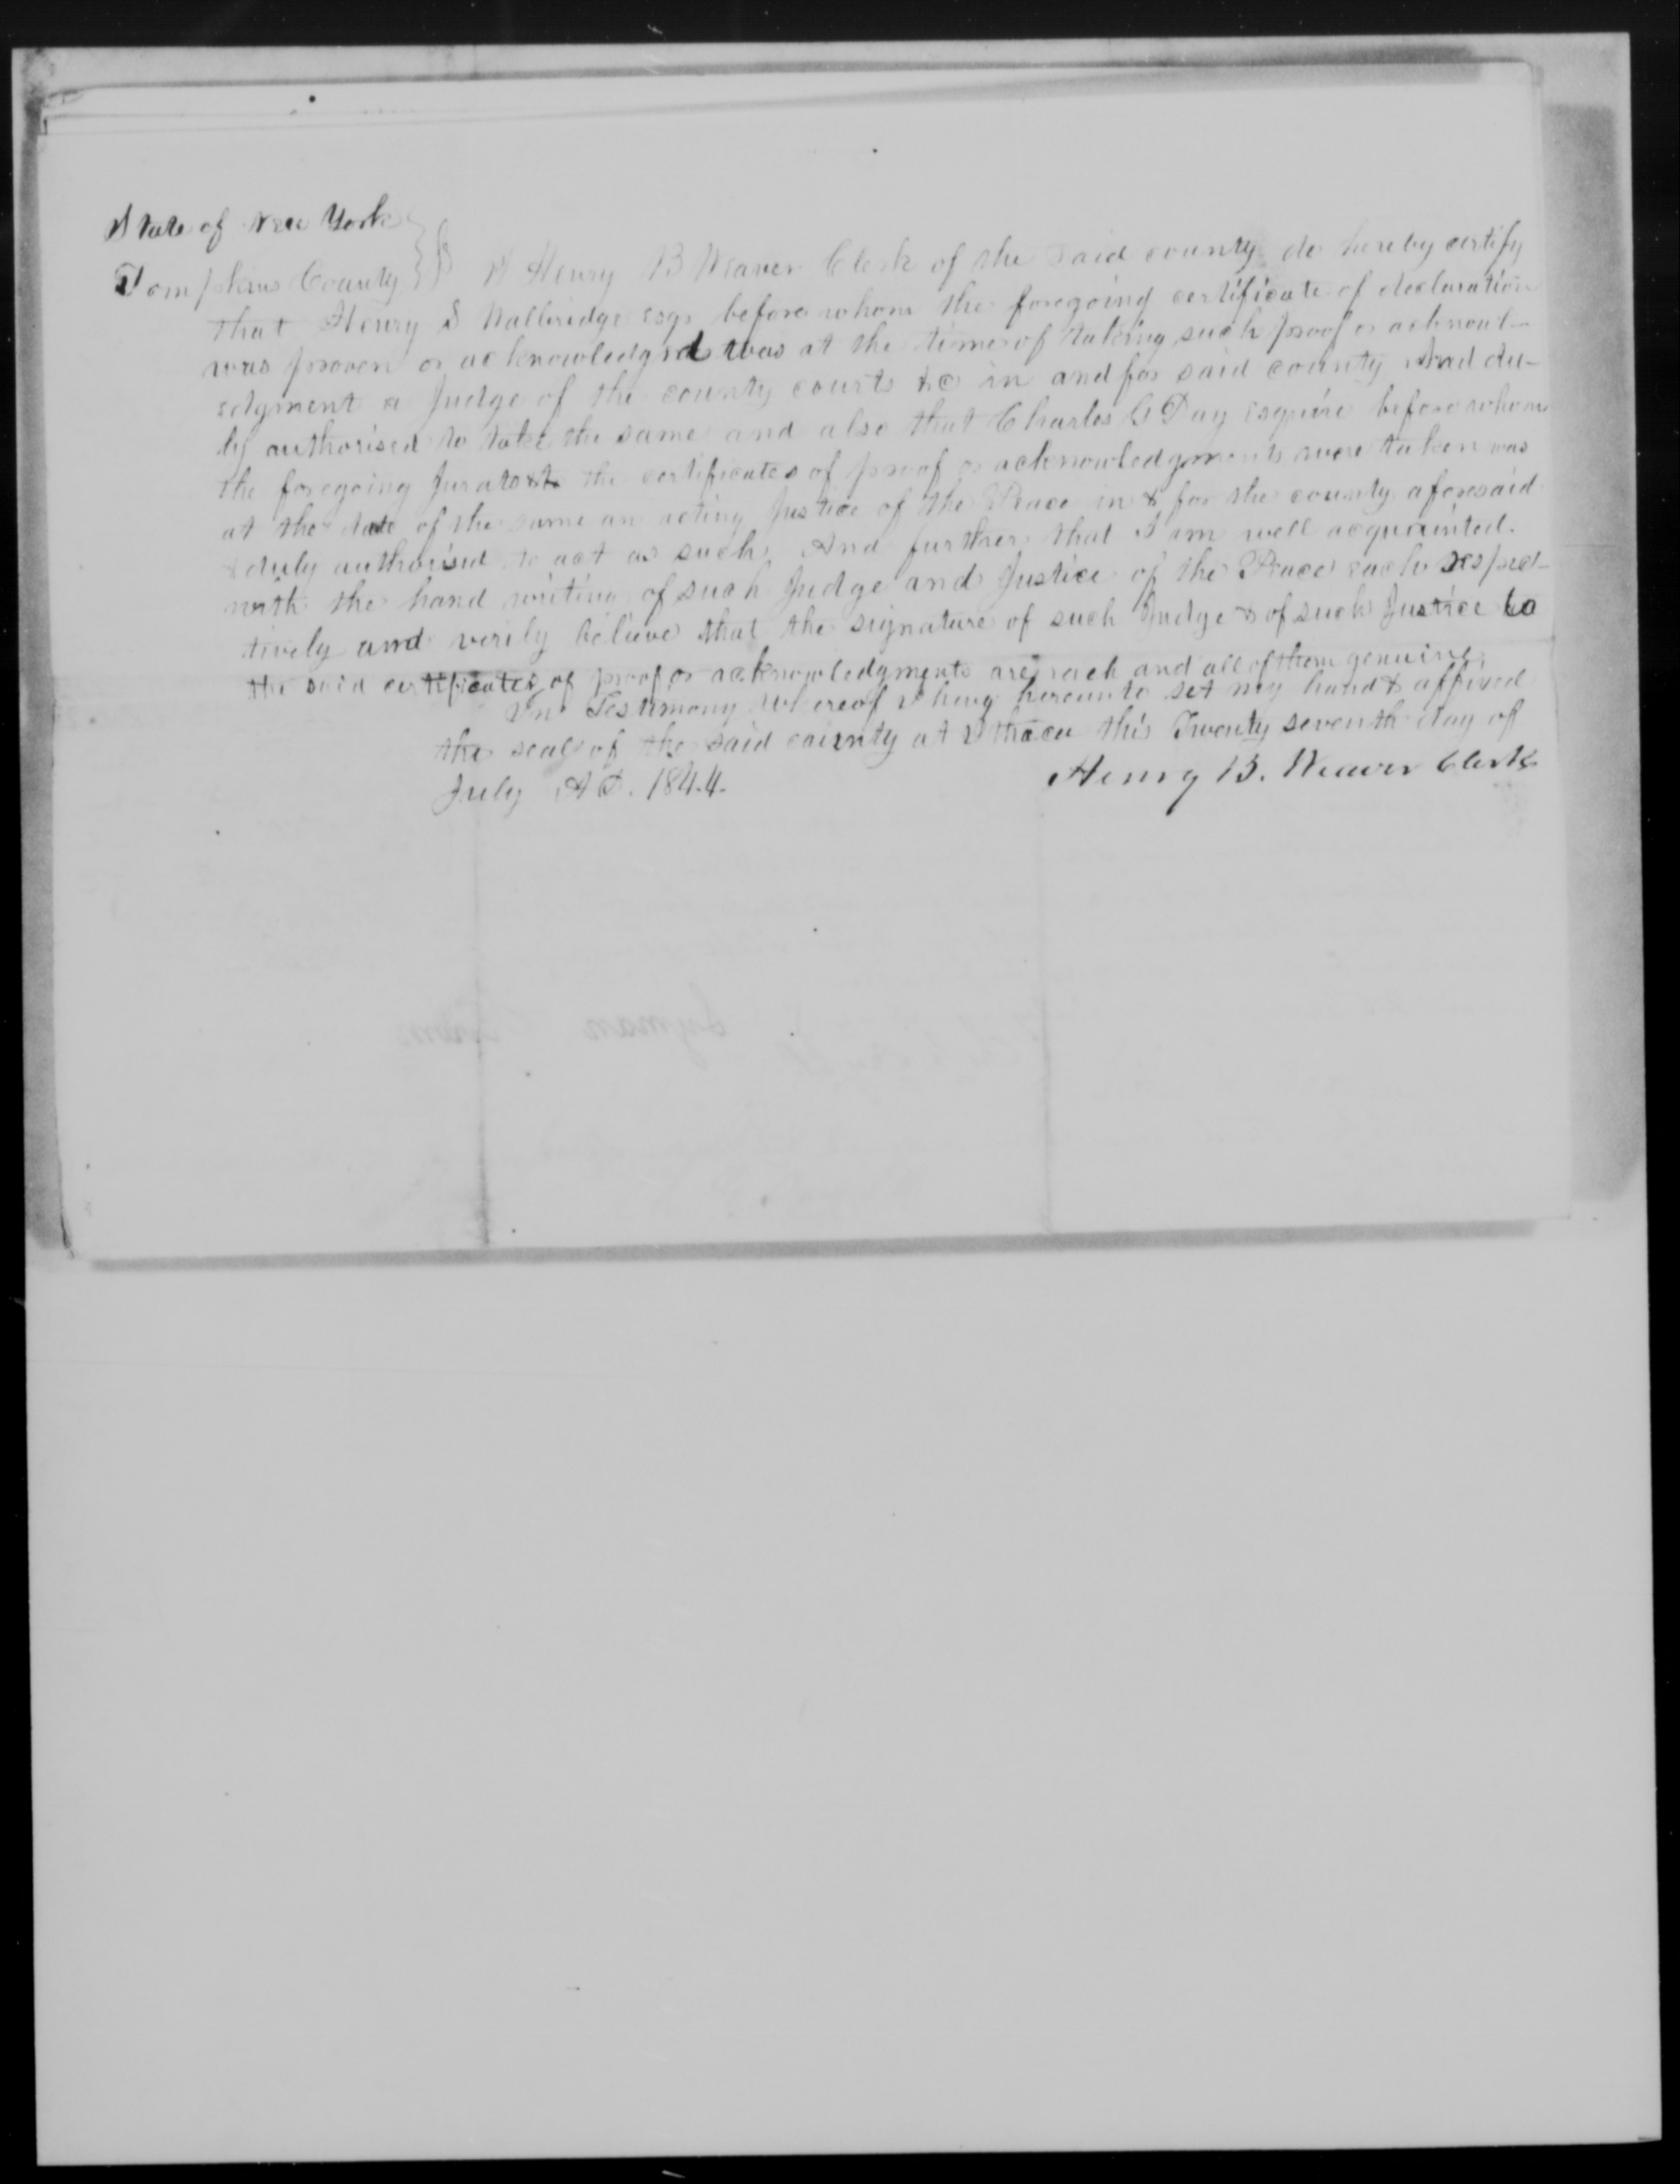State of New York 
Tompkins County ⎬ Henry B Weaver Clerk of the said County do hereby certify that Henry S Walbridge Esq before whom the foregoing certificate of declaration was proven or acknowledged that at the time of taking such proof or acknowledgement a Judge of the county courts &c in and for said county, and duly authorized to take the same and also that Charles G Day Esquire before whom the foregoing [illegible] the certificate of proof or acknowledgments were taken was at the date of the same an acting Justice of the Peace in & for the County aforesaid duly authorized to act as such. And further, that I am well acquainted with the hand writing of such Judge and of such Justice of the Peace each respectively and verily believe that the signature of such Judge & of such Justice to the said certificates of proof or acknowledgments are each and all of them genuine. The testimony whereof is being hereunto set my hand of office & the seal of the said County at [illegible] this Twenty seventh day of July A.D. 1844 
Henry B. Weaver Clerk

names: Charles G Day, Henry S Walbridge, Henry B Traver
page: 30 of 77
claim: widow's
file: W. 19658, John Woodin, New York